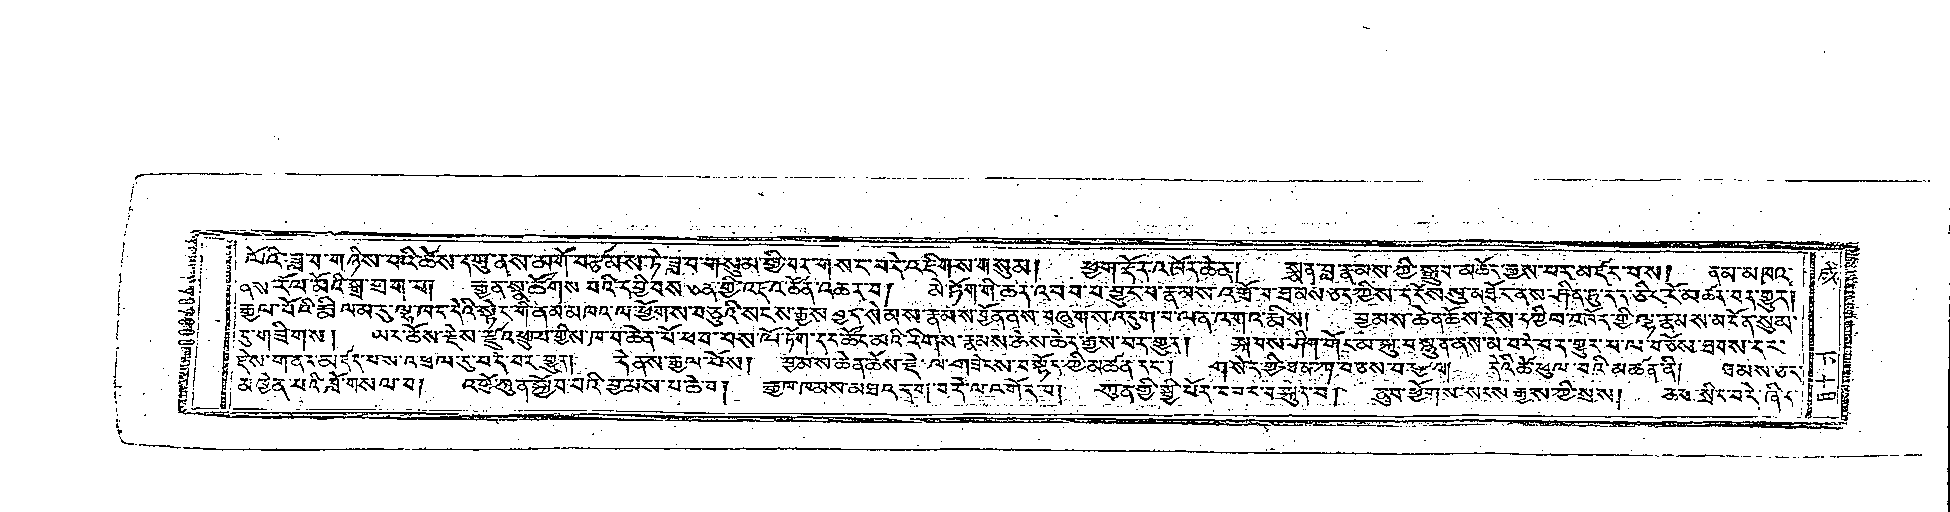ལོའི་ཟླ་བ་གཉིས་པའི་ཚེས་དགུ་ནས་མགོ་བརྩམས་ཏེ་ཟླ་བ་གསུམ་གྱི་བར་གསང་བདེ་འཇིགས་གསུམ། ཕྱག་རྡོར་འཁོར་ཆེན། སྨན་བླ་རྣམས་ཀྱི་སྒྲུབ་མཆོད་རྒྱས་པར་མཛད་པས། ནམ་མཁའ་
ནས་རོལ་མོའི་སྒྲ་གྲག་པ། རྒྱན་སྣ་ཚོགས་པའི་དབྱིབས་ཅན་གྱི་འཇའ་ཚོན་འཆར་བ། མེ་ཏོག་གི་ཆར་འབབ་པ་བྱུང་བ་རྣམས་འགྲོ་བ་ཐམས་ཅད་ཀྱིས་དངོས་སུ་མཐོང་ནས་ཤིན་ཏུ་དད་ཅིང་ངོ་མཚར་བར་གྱུར།
རྒྱལ་པོའི་རྨི་ལམ་དུ་ལྷ་ཁང་དེའི་སྟེང་གི་ནམ་མཁའ་ལ་ཕྱོགས་བཅུའི་སངས་རྒྱས་བྱང་སེམས་རྣམས་བྱོན་ནས་བཞུགས་འདུག་པ་ལན་འགའ་རྨིས། བྱམས་ཆེན་ཆོས་རྗེས་དཀྱིལ་འཁོར་གྱི་ལྷ་རྣམས་མངོན་སུམ་
དུ་གཟིགས། ཡང་ཆོས་རྗེས་རྫུ་འཕྲུལ་གྱིས་ཁ་བ་ཆེན་པོ་ཕབ་པས་ལོ་ཏོག་དང་ཚོང་མའི་རིགས་རྣམས་ཆེས་ཆེར་རྒྱས་པར་གྱུར། སྐབས་ཤིག་གོང་ཨམ་སྐུ་བསྙུན་ནས་མ་བདེ་བར་གྱུར་པ་ལ་བཅོས་ཐབས་དང་
ཇེས་གནང་མཛད་པས་འཕྲལ་དུ་བདེ་བར་གྱུར། དེ་ནས་རྒྱལ་པོས། བྱམས་ཆེན་ཆོས་རྗེ་ལ་གཟེངས་བསྟོད་ཀྱི་མཚན་དང་། གསེར་གྱི་ཐམ་ཀ་བཅས་བསྩལ། དེའི་ཚེ་ཕུལ་བའི་མཚན་ནི། ཐམས་ཅད་
མཁྱེན་པའི་བློ་གསལ་བ། འགྲོ་ཀུན་སྐྱོབ་པའི་བྱམས་པ་ཆེ་བ། རྒྱལ་ཁམས་མཐའ་དག་བདེ་ལ་འགོད་པ། ཀུན་གྱི་སྤྱི་པོར་དབང་བསྐུར་བ། ནུབ་ཕྱོགས་སངས་རྒྱས་ཀྱི་སྲས། ཆབ་སྲིད་བདེ་ཞིང་